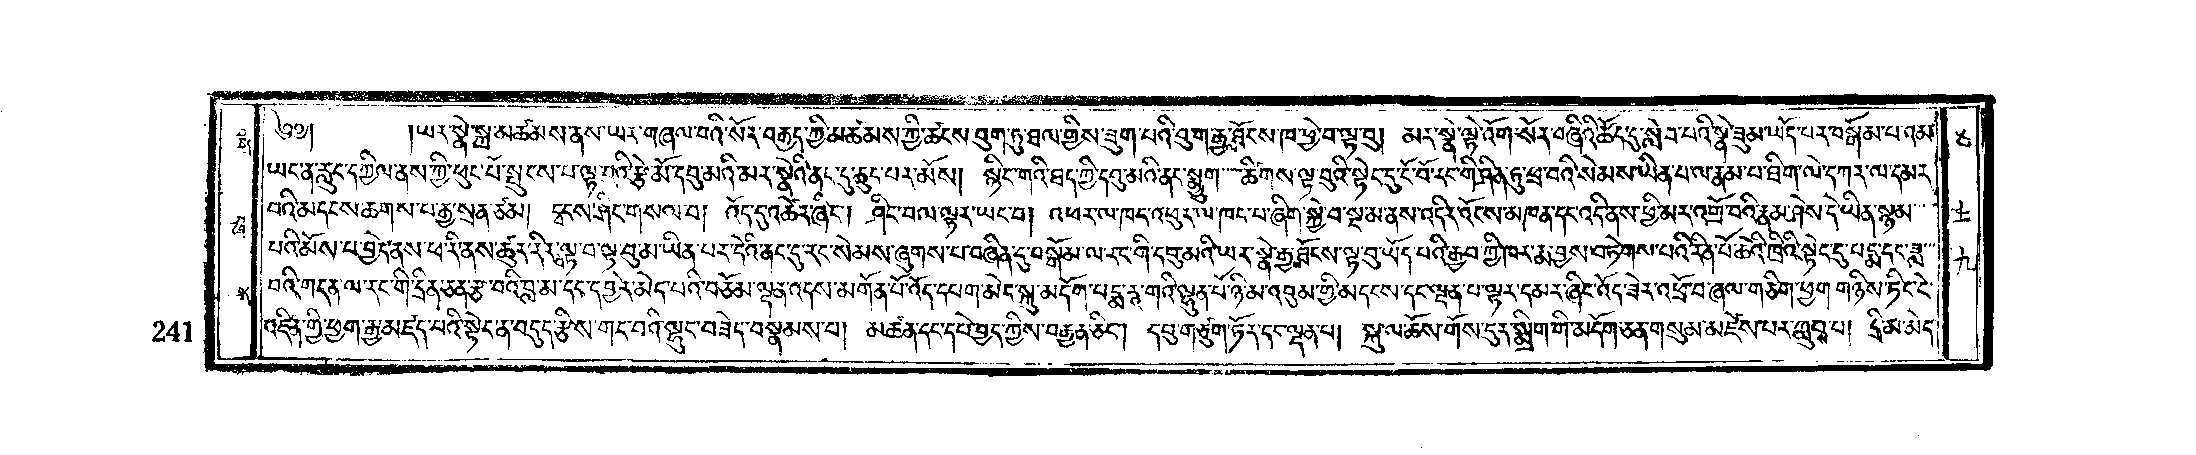༄༅། །ཡར་སྣེ་སྐྲ་མཚམས་ནས་ཡར་གཞལ་བའི་སོར་བརྒྱད་ཀྱི་མཚམས་ཀྱི་ཚངས་བུག་ཏུ་ཐལ་གྱིས་ཟུག་པའི་བུག་རྒྱལ་ཐོངས་ཁ་ཕྱེ་བ་ལྟ་བུ། མར་སྣེ་ལྟེ་འོག་སོར་བཞིའི་ཚོད་དུ་སླེབ་པའི་སྣེ་ཟུམ་ཡོད་པར་བསྒོམ་པ་འམ་
ཡང་ན་རླུང་དཀྱིལ་ནས་ཀྱི་ཕུང་པོ་སྤུངས་པ་ལྟ་བའི་རྩེ་མོ་དབུ་མའི་མར་སྣེའི་ནང་དུ་ཆུང་པར་མོས། སྙིང་གའི་ཐད་ཀྱི་དབུ་མའི་ནང་སྨྱུག་ཚིགས་ལྟ་བུའི་སྟེང་དུ་ངོ་བོ་རང་གི་ཤིན་ཏུ་ཕྲ་བའི་སེམས་ཡིན་པ་ལ་རྣམ་པ་ཐིག་ལེ་དཀར་ལ་དམར་
བའི་མདངས་ཆགས་པ་རྒྱ་སྲན་ཙམ། དྭངས་ཤིང་གསལ་བ། འོད་དུ་འཚེར་ཞིང་། ཤིང་བལ་ལྟར་ཡང་བ། འཕར་ལ་ཁང་འཕུར་ལ་ཁང་པ་ཞིག་སྐྱེ་བ་སྔ་མ་ནས་འདིར་འོངས་མཁན་དང་འདི་ནས་ཕྱི་མར་འགྲོ་བའི་རྣམ་ཤེས་དེ་ཡིན་སྙམ་
པའི་མོས་པ་བྱེད་ནས་ཕ་རི་ནས་ཚུར་རིར་བལྟ་བ་ལྟ་བུ་མ་ཡིན་པར་དེའི་ནང་དུ་རང་སེམས་ཞུགས་པ་བཞིན་དུ་བསྒོམ་ལ་རང་གི་དབུ་མའི་ཡར་སྣེ་རྒྱས་ཐོངས་ལྟ་བུ་ཡོད་པའི་རྒྱབ་ཀྱི་ཁར་རྨ་བྱས་བཏེགས་པའི་རིན་པོ་ཆེའི་ཁྲིའི་སྟེང་དུ་པདམ་དང་ཟླ་
བའི་གདན་ལ་རང་གི་དྲིན་ཅན་རྩ་བའི་བླ་མ་དང་དབྱེར་མེད་པའི་བཅོམ་ལྡན་འདས་མགོན་པོ་འོད་དཔག་མེད་སྐུ་མདོག་པདམ་རཱ་གའི་ལྷུན་པོ་ཉི་མ་འབུམ་གྱི་མདངས་དང་ལྡན་པ་ལྟར་དམར་ཞིང་འོད་ཟེར་འཕྲོ་བ་ཞལ་གཅིག་ཕྱག་གཉིས་ཏིང་ངེ་
འཛིན་གྱི་ཕྱག་རྒྱ་མཛད་པའི་སྟེང་ན་བདུད་རྩིས་གང་བའི་ལྷུང་བཟེད་བསྣམས་པ། མཚན་དང་དཔེ་བྱད་ཀྱིས་བརྒྱན་ཅིང་། དབུ་གཙུག་ཏོར་དང་ལྡན་པ། སྐུ་ལ་ཆོས་གོས་ངུར་སྨྲིག་གི་མདོག་ཅན་གསུམ་མཛེས་པར་ཀླུབས་པ། དྲི་མ་མེད་